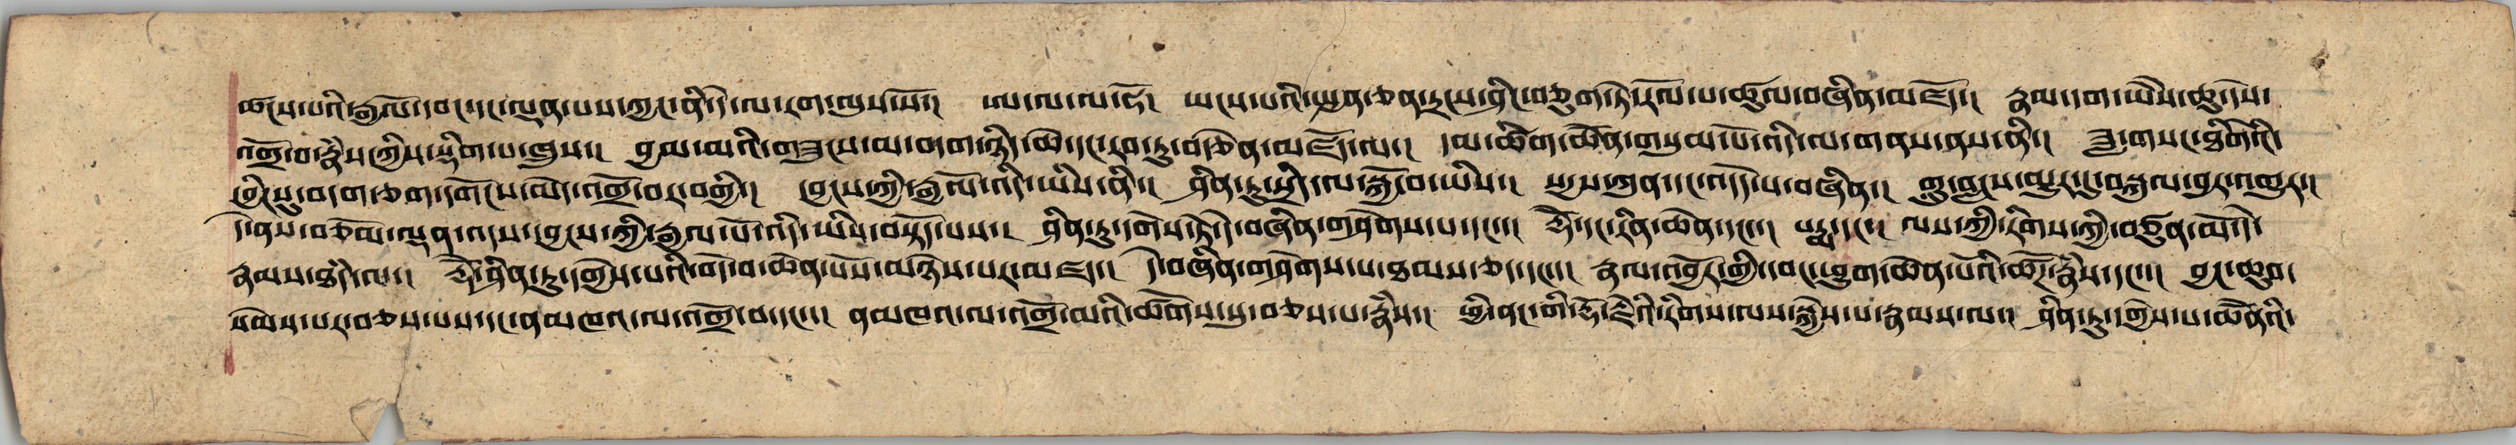ཚངས་པའི་རྒྱལོ་དབང་དང་ལྡན་པས་ཀྱང་ནི་དེ་ལ་རག་ལུས་སོ་། ཨ་ལ་ལ་ཧོ། ཡངས་པའི་སྤྱན་ཅན་དྲངས་ཤིང་བཅུག་ཏེ་རོལ་པ་ཚུལ་བཞིན་མཛོད་། རྣམ་དག་ཡཻས་ཆུ་དེས་
འགྲོ་བ་རྣཾ་ཀྱིས་སྡིག་པ་ཁྲུས་། བྱམ་མའི་གཟུངས་མ་བདག་ཉིད་ཆེ་དང་རབ་ཏུ་བརྩེན་མཛོད་ལ་། དམ་ཚིག་ཆོེན་གསུམ་པོ་འདི་ལ་གནས་ནས་ནི་། ཟླ་གསང་ཐིགེའི་
དབྱིངསུ་བདག་ཅག་དགོངས་མེད་འགྲོ་བར་བགྱི་། དབྱངས་ཀྱི་རྒྱལོ་འདི་ཡིས་ནི་། ཤིན་ཏུ་སྲིད་ལ་སྐྱོ་བ་ཡིས་། སདྱས་ཀུན་དང་འདོད་པ་བཞིན་། གླུ་བླངས་མྱུར་དུ་བསྐུལ་བྱར་འགྱུར་།
དེ་ནས་བཅོམ་ལྡན་འདས་དབྱངས་ཀྱི་རྒྱལ་པོ་འདི་ཡིས་བསྟོད་པས་། ཤིན་ཏུ་དགོས་ཏེ་དེ་བཞིན་གཤེགས་པ་དང་་། རྡོེ་རིན་ཆེན་དང་་། པདྨ་དང་། ལས་ཀྱི་རིགས་ཀྱི་བཙུན་མོ་དེ་
རྣམས་ཐཾད་ལ་། རྡོེ་ཤིན་ཏུ་དགྱེས་པའི་བདེ་བ་ཆེན་པོས་མཉེས་པར་མཛད་། དེ་བཞིན་གཤེགས་པ་ཐམས་ཅད་དང་་། རྣལ་འབྱོར་གྱི་དབང་ཕྱུག་ཆེན་པོའི་ཚོཌ་རྣཾས་དང་་། བྱང་ཆུབ་
སེམས་པར་བཅས་པས་དང་ནམཁའ་ལ་འགྲོ་བ་དང་་། ནམཁའ་ལ་འགྲོ་མའི་ཚོགས་སུ་བཅས་པ་རྣཾས་། ཕྱི་ནང་གི་རྡོ་རྗེའི་རིགས་ལས་སྐྱེས་པ་རྣམས་ལ་། ཤིན་ཏུ་དགྱེས་པ་ཆཻོའིོ་